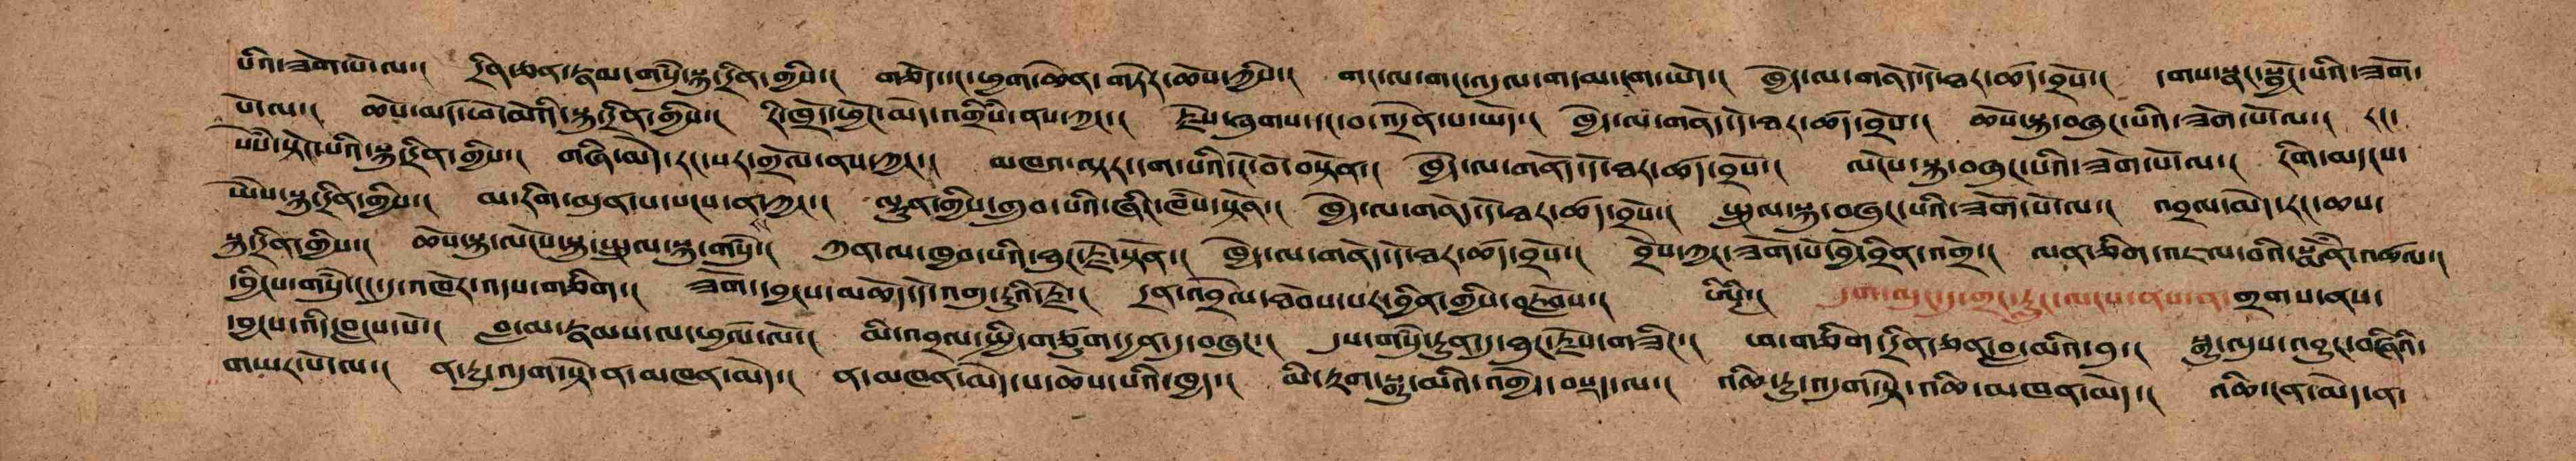པའི་ཟོག་པོ་ལ།། དྲིན་ཅན་རྣམ་གསུམ་སྐུ་དྲིན་གྱིས།། གཅོད་དང་ཕྱག་ཆེན་གཏེར་ཆོས་ཀྱིས།། གང་ལ་གང་འདུལ་གདམ་ངག་ཡོད།། ཁྱོད་ལ་གནོད་དོ་ཐར་ཚད་བྲོས།། དག་སྣང་སྦྱོང་བའི་ཟོག་
པོ་ལ།། ཆོས་མཛད་ཕོ་མོའི་སྐུ་དྲིན་གྱིས།། རི་ཁྲོད་ཕྱོགས་མེད་འགྲིམས་ནས་ཀྱང་།། རྗེས་ཞུགས་དང་བ་འདྲེན་པ་ཡོད།། ཁྱེད་ལ་གནོད་དོ་ཐར་ཚད་བྲོས།། ཆོས་སྐུ་བཞུགས་པའི་ཟོག་པོ་ལ།། རང་
སེམས་སྟོང་པའི་སྐུ་དྲིན་གྱིས།། གཞི་མེད་རང་སར་གྲོལ་ནས་ཀྱང་།། མཁའ་ལྟར་དག་པའི་ངོ་བོ་སྟོང་།། ཁྱེད་ལ་གནོད་དོ་ཐར་ཚད་བྲོས།། ལོངས་སྐུ་བཞུགས་པའི་ཟོག་པོ་ལ།། རིག་གདངས་
ཡེ་ཤེས་སྐུ་དྲིན་གྱིས།། མ་རིག་མུན་པ་སངས་ནས་ཀྱང་།། ལྷུན་གྱིས་གྲུབ་པའི་ཞིང་ཁམས་སྟོན།། ཁྱེད་ལ་གནོད་དོ་ཐར་ཚད་བྲོས།། སྤྲུལ་སྐུ་བཞུགས་པའི་ཟོག་པོ་ལ།། འབྲལ་མེད་རང་ཆས་
སྐུ་དྲིན་གྱིས།། ཆོས་སྐུ་ལོངས་སྐུ་སྤྲུལ་སྐུ་གསུམ།། ཀུན་ལ་ཁྱབ་པའི་ཐུགས་རྗེ་སྟོན།། ཁྱེད་ལ་གནོད་དོ་ཐར་ཚད་བྲོས།། བྲོས་ཀྱང་ཟོག་པོ་བྱེ་བྲིན་འགྲོ།། ལན་ཅིག་འཇལ་བའི་སྨོན་ལམ་འཚལ།། 
དབྱིངས་གསུམ་ངང་དུ་འཁོར་འདས་གཅིག།། ཟོག་དབྱངས་མཆོད་དོ་འགུ་རུའི་རྗེ།། དྲན་འབྲེལ་ཐོབས་པར་བྱིན་གྱིས་རློབས།། ཨིཊི།། དུག་ལུང་དུ་གྲང་རླུང་ལངས་ནས་ན་གྲགས་ནས།། 
དབྱངས་འདི་བླངས་སོ།། བླ་མ་རྣམས་ལ་ཕྱག་འཚལ་ལོ།། མི་འབྲལ་སྤྱི་གཙུག་རྒྱན་དུ་བཞུགས།། དུས་གསུམ་རྒྱུན་དུ་ཐུགས་རྗེས་གཟིགས།། ཕ་གཅིག་དྲིན་ཅན་བླ་མའི་བུ།། སྒྱུ་ལུས་འབྱུང་བཞིའི་
གཡར་པོ་ལ།། ན་རྒྱུ་འདུག་སྟེ་ན་མཁན་མེད།། ན་མཁན་མེད་པ་ཆོས་པའི་ཁྱད།། མི་རྟག་སྒྱུ་མའི་འགྱེད་བསྡད་ལ།། འཆི་རྒྱུ་འདུག་སྟེ་འཆི་མཁན་མེད།། འཆི་ངན་མེད་ན་